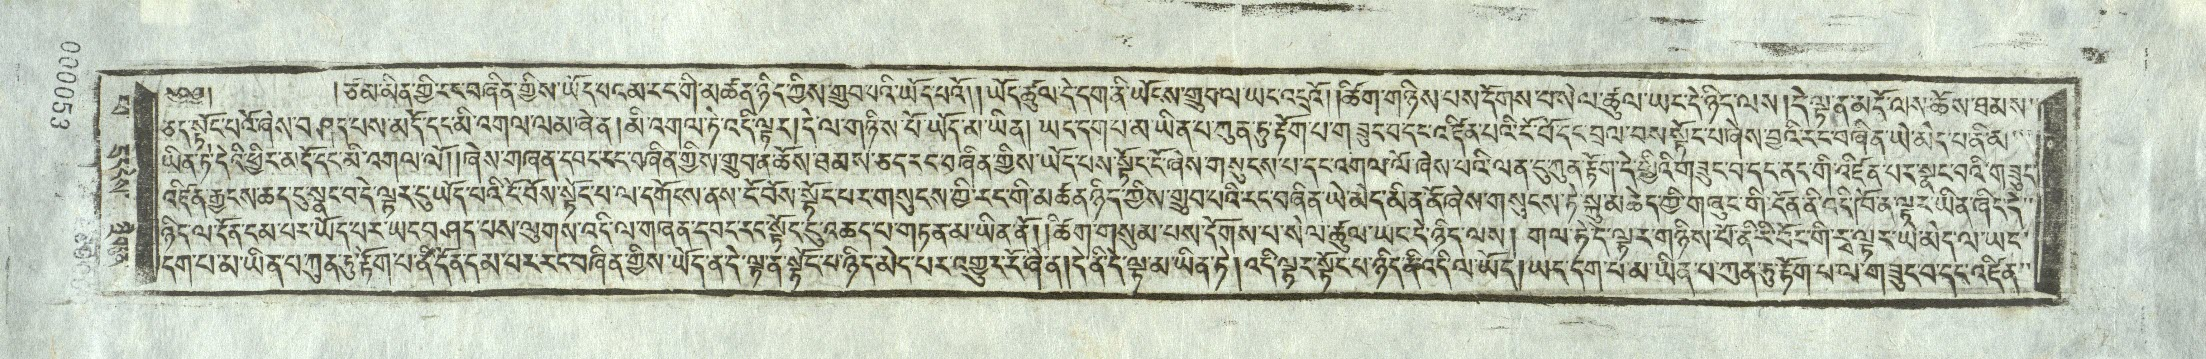༄༅། །ཙམ་མིན་གྱི་རང་བཞིན་གྱིས་ཡོད་པའམ་རང་གི་མཚན་ཉིད་ཀྱིས་གྲུབ་པའི་ཡོད་པའོ། །ཡོད་ཚུལ་དེ་དག་ནི་ཡོངས་གྲུབ་ལ་ཡང་འདྲའོ། །ཚིག་གཉིས་པས་དོགས་པ་སེལ་ཚུལ་ཡང་དེ་ཉིད་ལས། །དེ་ལྟ་ན་མདོ་ལས་ཆོས་ཐམས་
ཅད་སྟོང་པའོ་ཞེས་བཤད་པས་མདོ་དང་མི་འགལ་ལམ་ཞེ་ན། མི་འགལ་ཏེ་འདི་ལྟར། དེ་ལ་གཉིས་པོ་ཡོད་མ་ཡིན། ཡང་དག་པ་མ་ཡིན་པ་ཀུན་ཏུ་རྟོག་པ་གཟུང་བ་དང་འཛིན་པའི་ངོ་བོ་དང་བྲལ་བས་སྟོང་བ་ཞེས་བྱའི་རང་བཞིན་ཡེ་མེད་པ་ནི་མ་
ཡིན་ཏེ་དེའི་ཕྱིར་མདོ་དང་མི་འགལ་ལོ། །ཞེས་གཞན་དབང་རང་བཞིན་གྱིས་གྲུབ་ན་ཆོས་ཐམས་ཅད་རང་བཞིན་གྱིས་ཡོད་པས་སྟོང་ངོ་ཞེས་གསུངས་པ་དང་འགལ་ལོ་ཞེས་པའི་ལན་དུ་ཀུན་རྟོག་དེ་ཕྱིའི་གཟུང་བ་དང་ནང་གི་འཛིན་པར་སྣང་བའི་གཟུང་
འཛིན་རྒྱངས་ཆད་དུ་སྣང་བ་དེ་ལྟར་དུ་ཡོད་པའི་ངོ་བོས་སྟོང་པ་ལ་དགོངས་ནས་ངོ་བོས་སྟོང་པར་གསུངས་ཀྱི་རང་གི་མཚན་ཉིད་ཀྱིས་གྲུབ་པའི་རང་བཞིན་ཡེ་མེད་མིན་ནོ་ཞེས་གསུངས་ཏེ་སྐུ་མཆེད་ཀྱི་གཞུང་གི་དོན་ནི་འདི་ཁོ་ན་ལྟར་ཡིན་ཞིང་དེ་
ཉིད་ལ་དོན་དམ་པར་ཡོད་པར་ཡང་བཤད་པས་ལུགས་འདི་ལ་གཞན་དབང་རང་སྟོང་དུ་འཆད་པ་གཏན་མ་ཡིན་ནོ། །ཚིག་གསུམ་པས་དོགས་པ་སེལ་ཚུལ་ཡང་དེ་ཉིད་ལས། གལ་ཏེ་དེ་ལྟར་གཉིས་པོ་ནི་རི་བོང་གི་རྭ་ལྟར་ཡེ་མེད་ལ་ཡང་
དག་པ་མ་ཡིན་པ་ཀུན་ཏུ་རྟོག་པ་ནི་དོན་དམ་པར་རང་བཞིན་གྱིས་ཡོད་ན་དེ་ལྟ་ན་སྟོང་པ་ཉིད་མེད་པར་འགྱུར་རོ་ཞེ་ན། དེ་ནི་དེ་ལྟ་མ་ཡིན་ཏེ། འདི་ལྟར་སྟོང་པ་ཉིད་ནི་འདི་ལ་ཡོད། ཡང་དག་པ་མ་ཡིན་པ་ཀུན་ཏུ་རྟོག་པ་ལ་གཟུང་བ་དང་འཛིན་